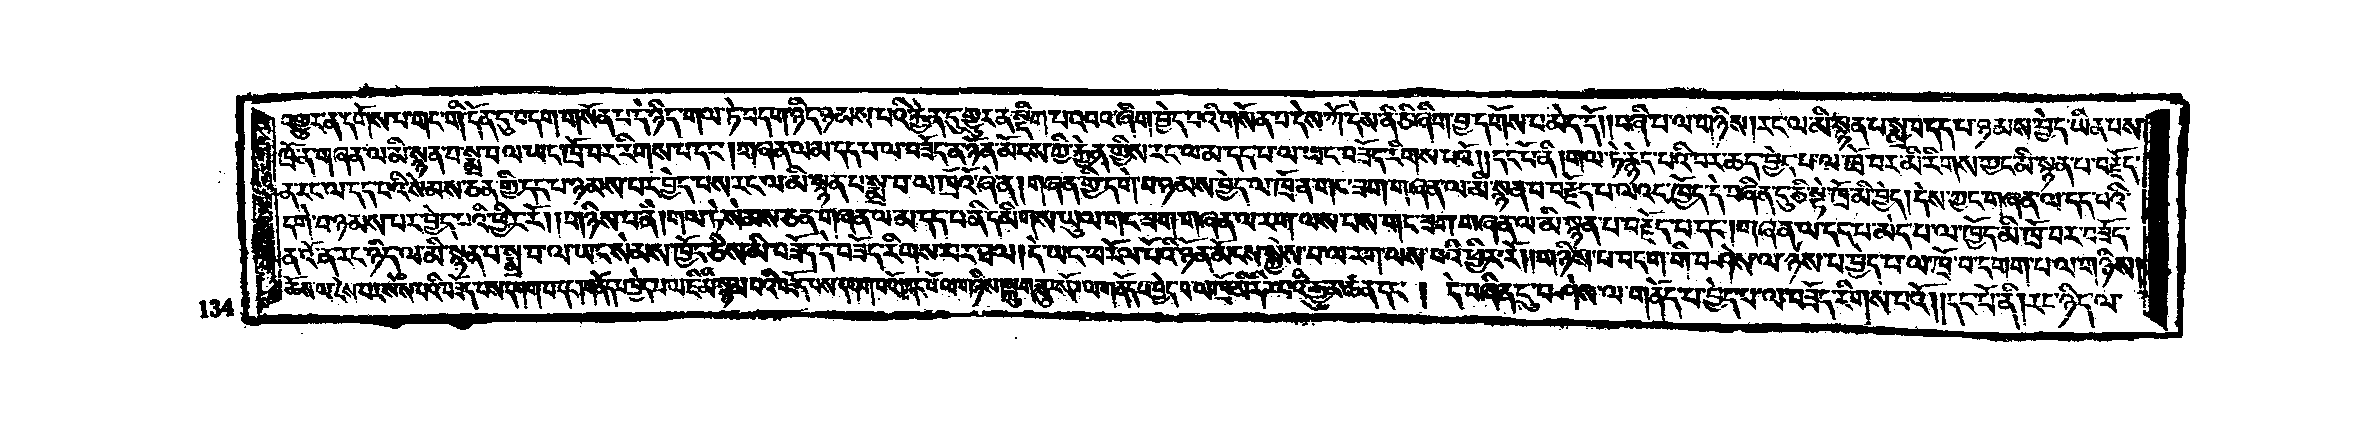འགྱུར་ན་དགོས་པ་གང་གི་དོན་དུ་བདག་གསོན་པ་དེ་ཉིད་གལ་ཏེ་བདག་ཉིད་ཉམས་པའི་རྐྱེན་དུ་གྱུར་ན་སྡིག་པ་འབའ་ཞིག་བྱེད་པའི་གསོན་པ་དེས་ཀོ་དེས་ནི་ཅི་ཞིག་བྱ་དགོས་པ་མེད་དོ། །བཞི་པ་ལ་གཉིས། རང་ལ་མི་སྙན་པ་སྨྲ་བ་དད་པ་ཉམས་བྱེད་ཡིན་པས་
ཁྲོ་ན་གཞན་ལ་མི་སྙན་པ་སྨྲ་བ་ལ་ཡང་ཁྲོ་བར་རིགས་པ་དང་། གཞན་ལམ་དད་པ་ལ་བཟོད་ན་ཉོན་མོངས་ཀྱི་རྐྱེན་གྱིས་རང་ལ་མ་དད་པ་ལ་ཡང་བཟོད་རིགས་པའོ། །དང་པོ་ནི། གལ་ཏེ་རྙེད་པའི་བར་ཆད་བྱེད་པ་ལ་ཁྲོ་བར་མི་རིགས་ཀྱང་མི་སྙན་པ་བརྗོད་
ན་རང་ལ་དད་པའི་སེམས་ཅན་གྱི་དད་པ་ཉམས་པར་བྱེད་པས་རང་ལ་མི་སྙན་པ་སྨྲ་བ་ལ་ཁྲོའི་ཞེ་ན། གཞན་གྱི་དགེ་བ་ཉམས་བྱེད་ལ་ཁྲོ་ན་གང་ཟག་གཞན་ལ་མི་སྙན་པ་བརྗོད་པ་ལའང་ཁྱོད་དེ་བཞིན་དུ་ཅི་སྟེ་ཁྲོ་མི་བྱེད། དེས་ཀྱང་གཞན་ལ་དད་པའི་
དགེ་བ་ཉམས་པར་བྱེད་པའི་ཕྱིར་རོ། །གཉིས་པ་ནི། གལ་ཏེ་སེམས་ཅན་གཞན་ལ་མ་དད་པ་ནི་དམིགས་ཡུལ་གང་ཟག་གཞན་ལ་རག་ལས་པས་གང་ཟག་གཞན་ལ་མི་སྙན་པ་བརྗོད་པ་དང་། གཞན་ལ་དད་པ་མེད་པ་ལ་ཁྱོད་མི་ཁྲོ་བར་བཟོད་
ན་འོ་ན་རང་ཉིད་ལ་མི་སྙན་པ་སྨྲ་བ་ལ་ཡང་སེམས་ཁྱོད་ཅིས་མི་བཟོད་དེ་བཟོད་རིགས་པར་ཐལ། དེ་ཡང་ཕ་རོལ་པོའི་ཉོན་མོངས་སྐྱེས་པ་ལ་རག་ལས་པའི་ཕྱིར་རོ། །གཉིས་པ་བདག་གི་བཤེས་ལ་ཉེས་པ་བྱེད་པ་ལ་ཁྲོ་བ་དགག་པ་ལ་གཉིས།
ཆོས་ལ་ངེས་པར་སེམས་པའི་བཟོད་པས་དགག་པ་དང་། གནོད་པ་བྱེད་པ་ལ་ཇི་མི་སྙམ་པའི་བཟོད་པས་དགག་པའོ། །དང་པོ་ལ་གཉིས། སྐུ་གཟུགས་སོགས་ལ་གནོད་པ་བྱེད་པ་ལ་ཁྲོ་མི་རིགས་པའི་རྒྱུ་མཚན་དང་། དེ་བཞིན་དུ་བཤེས་ལ་གནོད་པ་བྱེད་པ་ལ་བཟོད་རིགས་པའོ། །དང་པོ་ནི། རང་ཉིད་ལ་